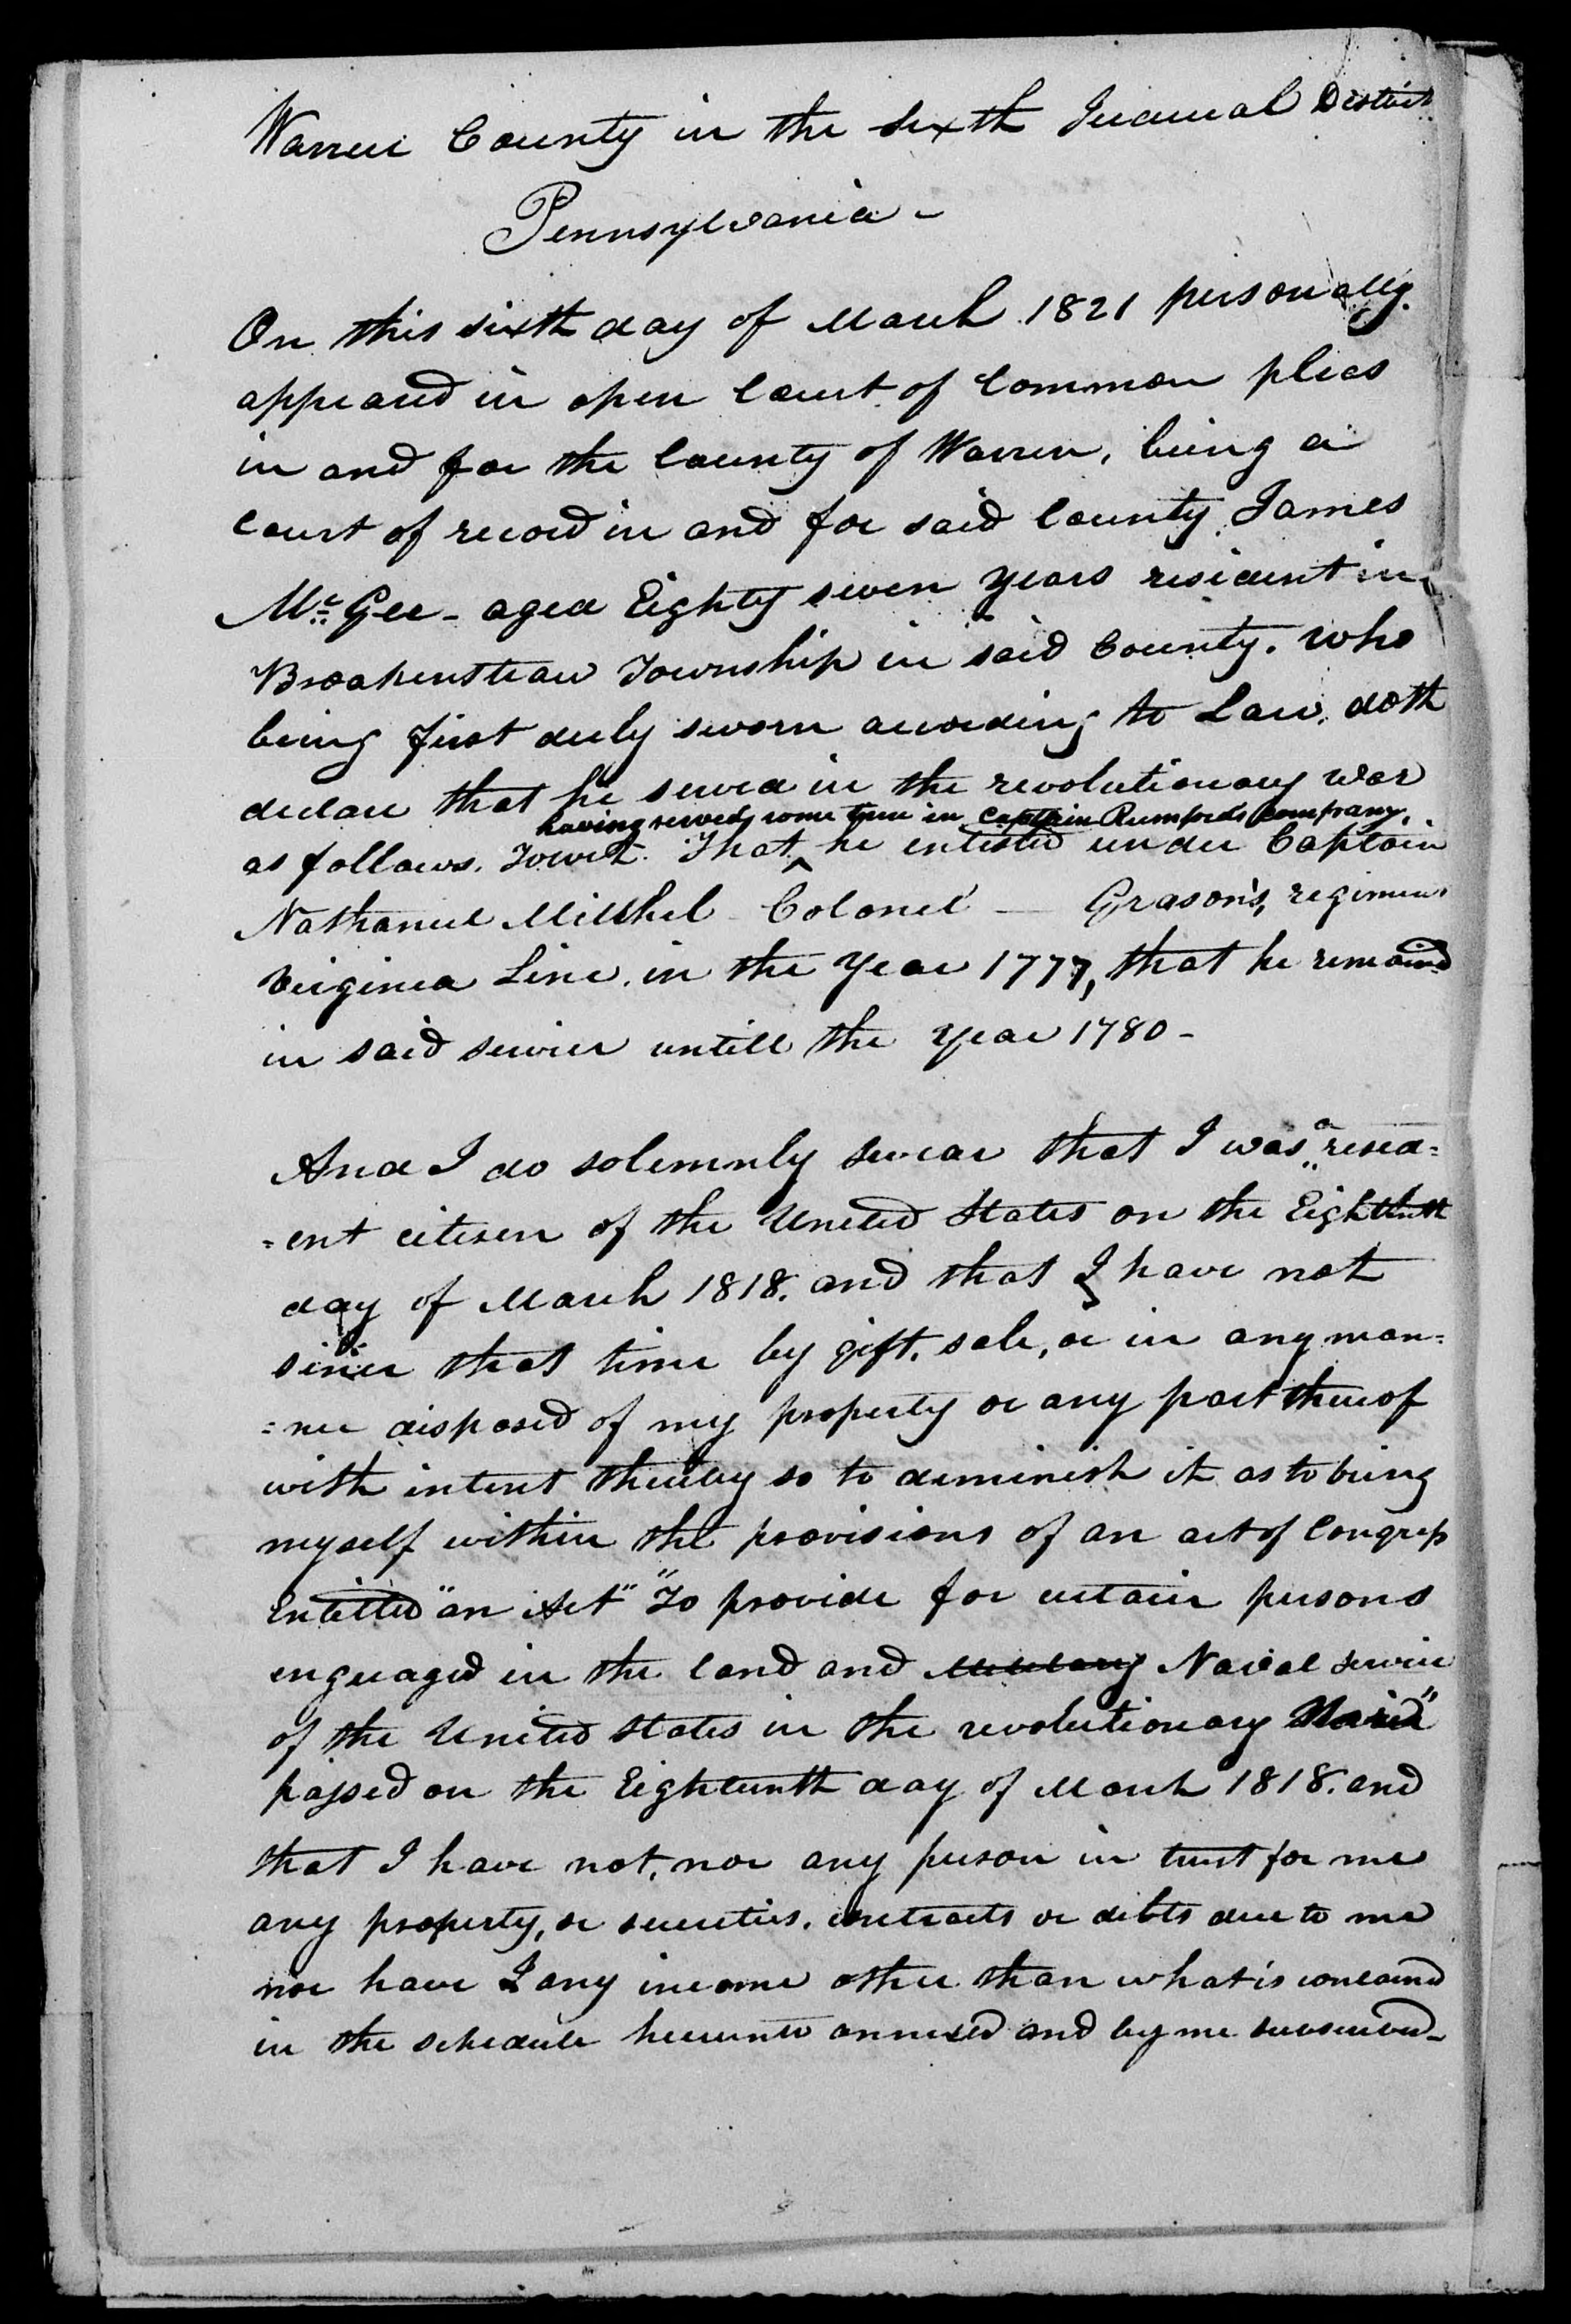Warren County in the Sixth Judicial District 
Pennsylvania 
On this sixth day of March 1821 personally appeared in open Court of Common pleas in and for the County of Warren, being a Court of record in and for said County James McGee, aged Eighty seven years resident in - Brokenstraw Township in said County, who being first duly sworn according to Law doth declare that he served in the revolutionary war as follows to wit. That having served some time in Captain Rumford's Company he enlisted under Captain Nathaniel Miller Colonel- Grason's regimen Virginia Line, in the year 1777, that he remained in said service untill the year 1780 -
And I do solemnly swear that I was resident citizen of the United States on the Eighteenth day of March 1818, and that I have not since that time by gift, sale, or in any manner disposed of my property or any part thereof with intent thereby so to diminish it as to bring myself within the provisions of an act of Congress Entitled "an Act” “to provide for certain persons engaged in the land and Naval service of the United States in the revolutionary War” passed on the Eighteenth day of March 1818 and that I have not, nor any person in trust for me any property, or sureties, contracts or debts due to me nor have I any income other than what is contained in the schedule hereunto annexed and by me subscribed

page: 10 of 77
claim: widow's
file: W 2954, for James Mc Gee, Delaware